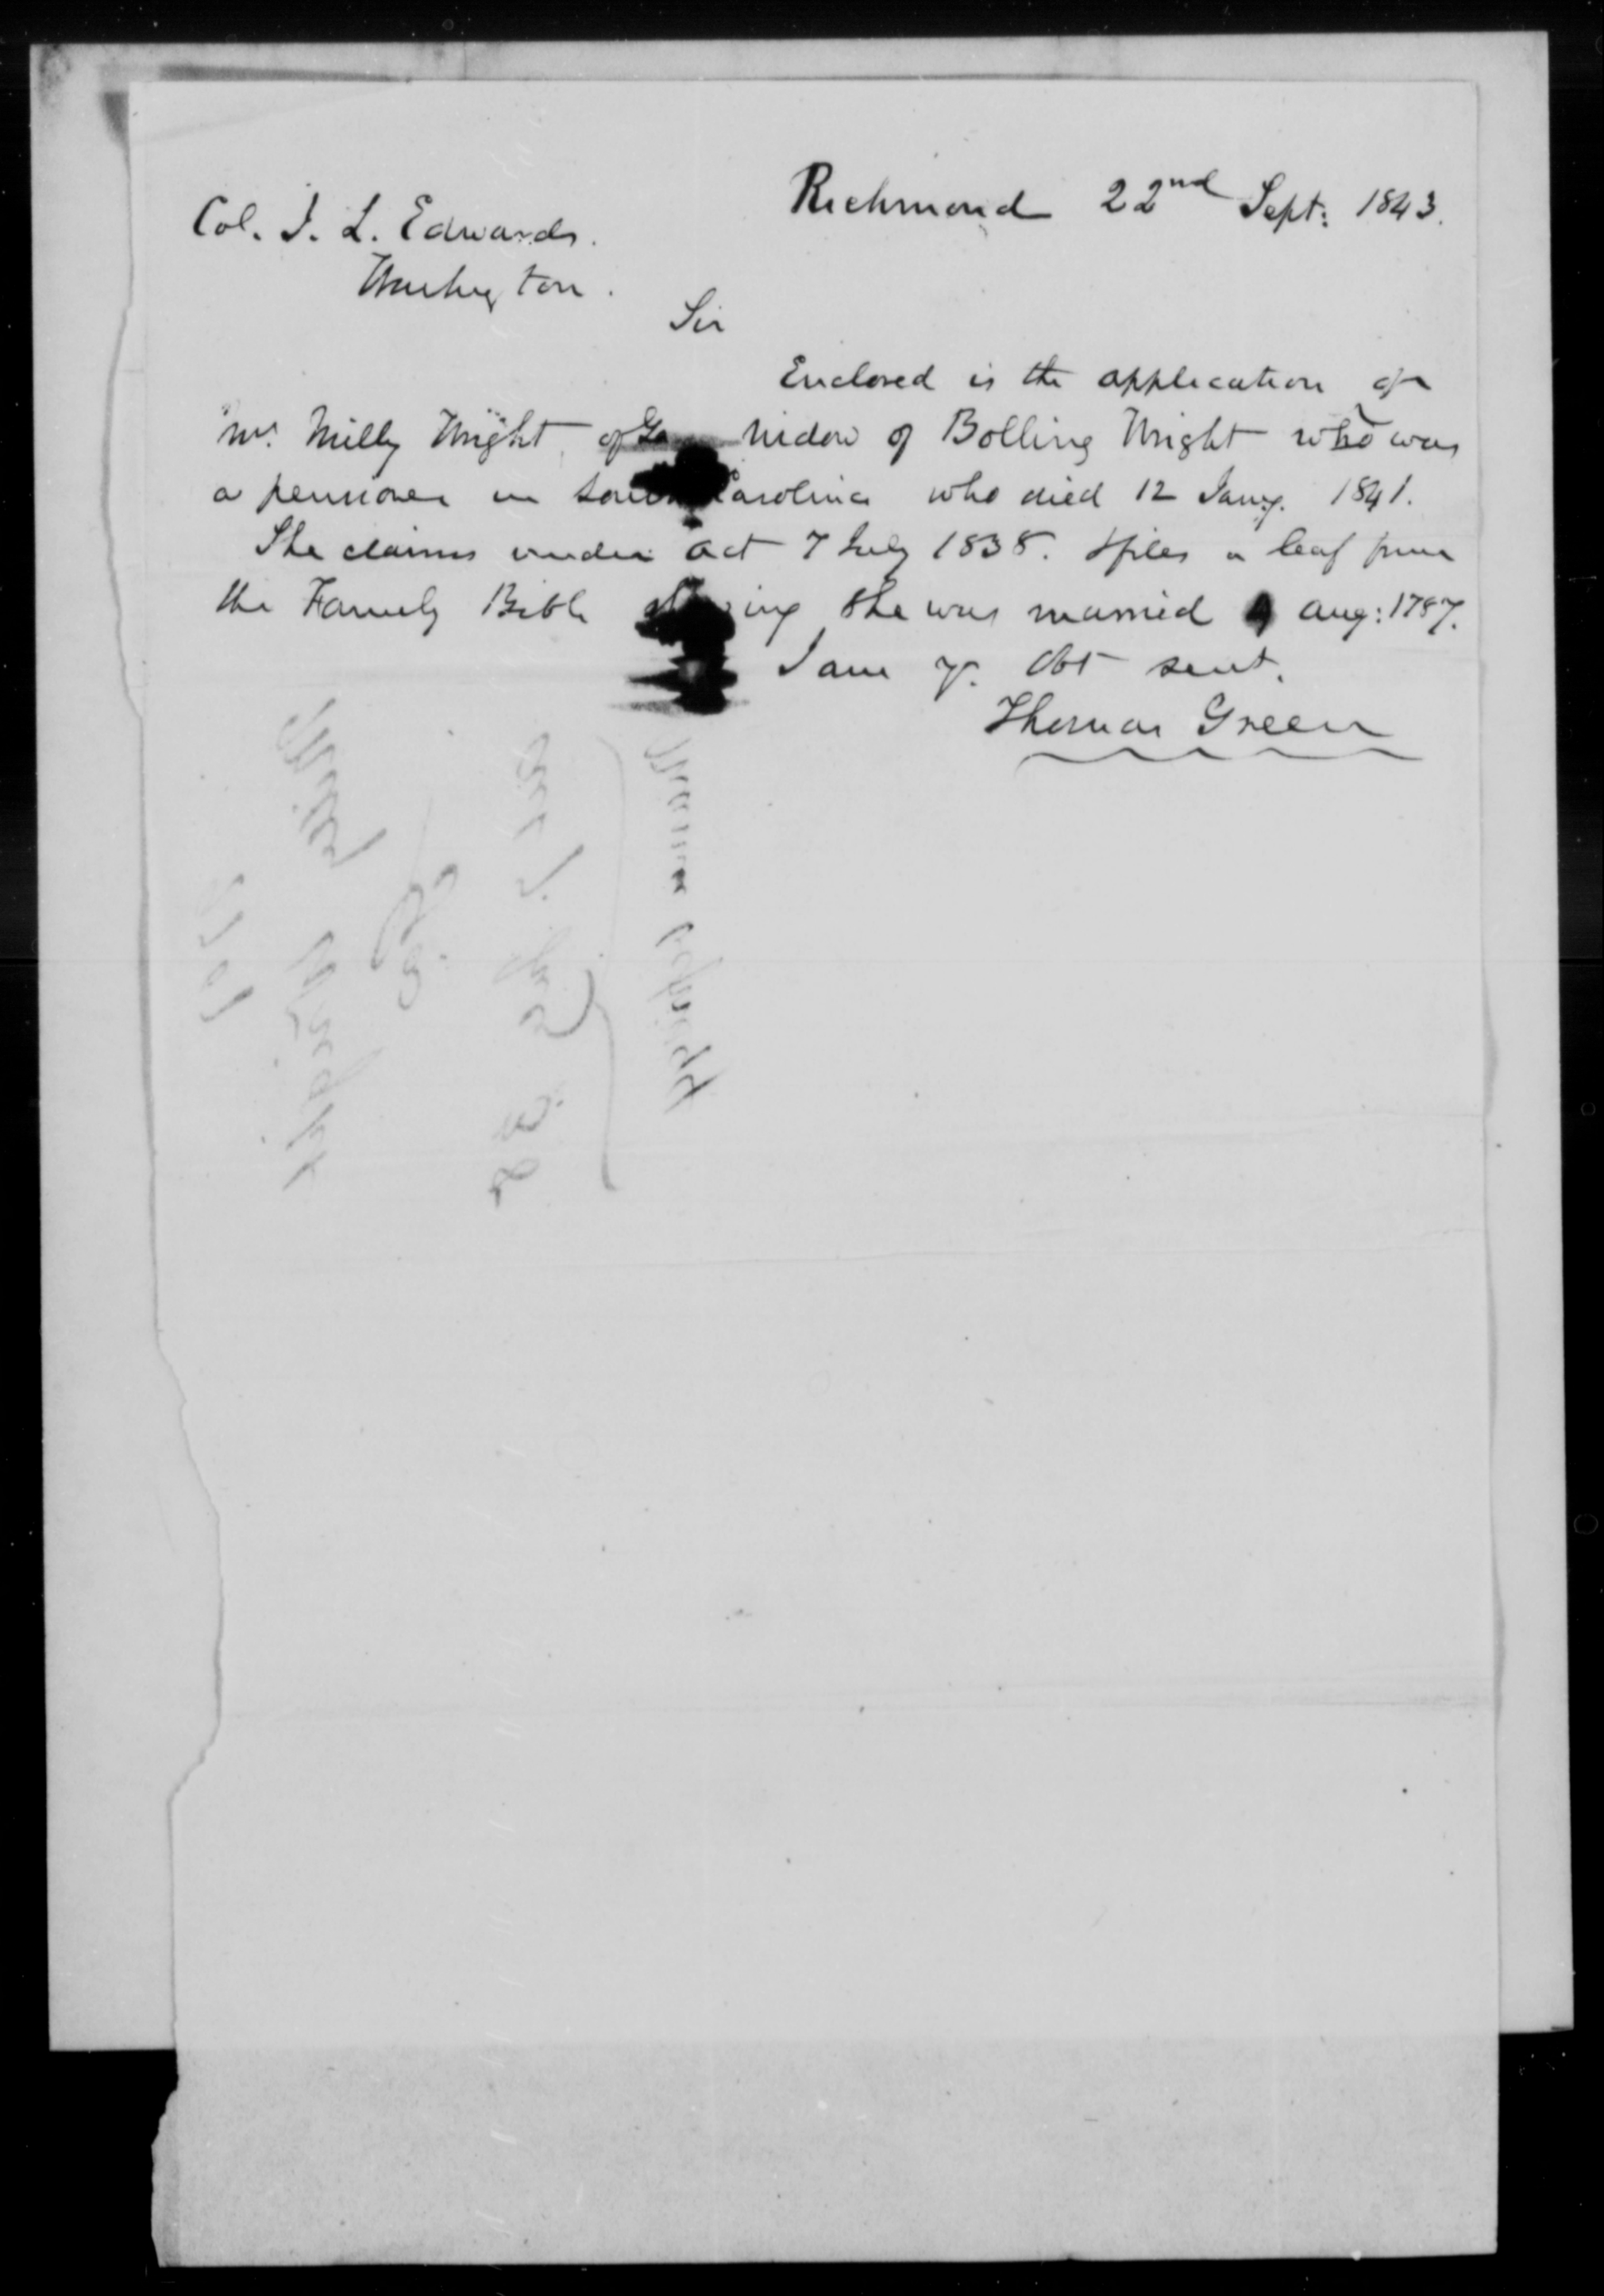Richmond 22nd Sept: 1843
Col. J. L. Edwards
Washington
Sir
Enclosed is the application of Mrs. Molly Wright of Ga widow of Bolling Wright who was a pensioner in South Carolina who died 12 Jany 1841.
The claims under act 7 July 1838 & file a leaf from the Family showing she was married Aug. 1787.
I am V. [illegible] sent.
Thomas Green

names: J L Edwards, Milly Wright, Thomas Green, Bolling Wright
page: 63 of 81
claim: widow's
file: W. 5183, Bolling Wright, Va.